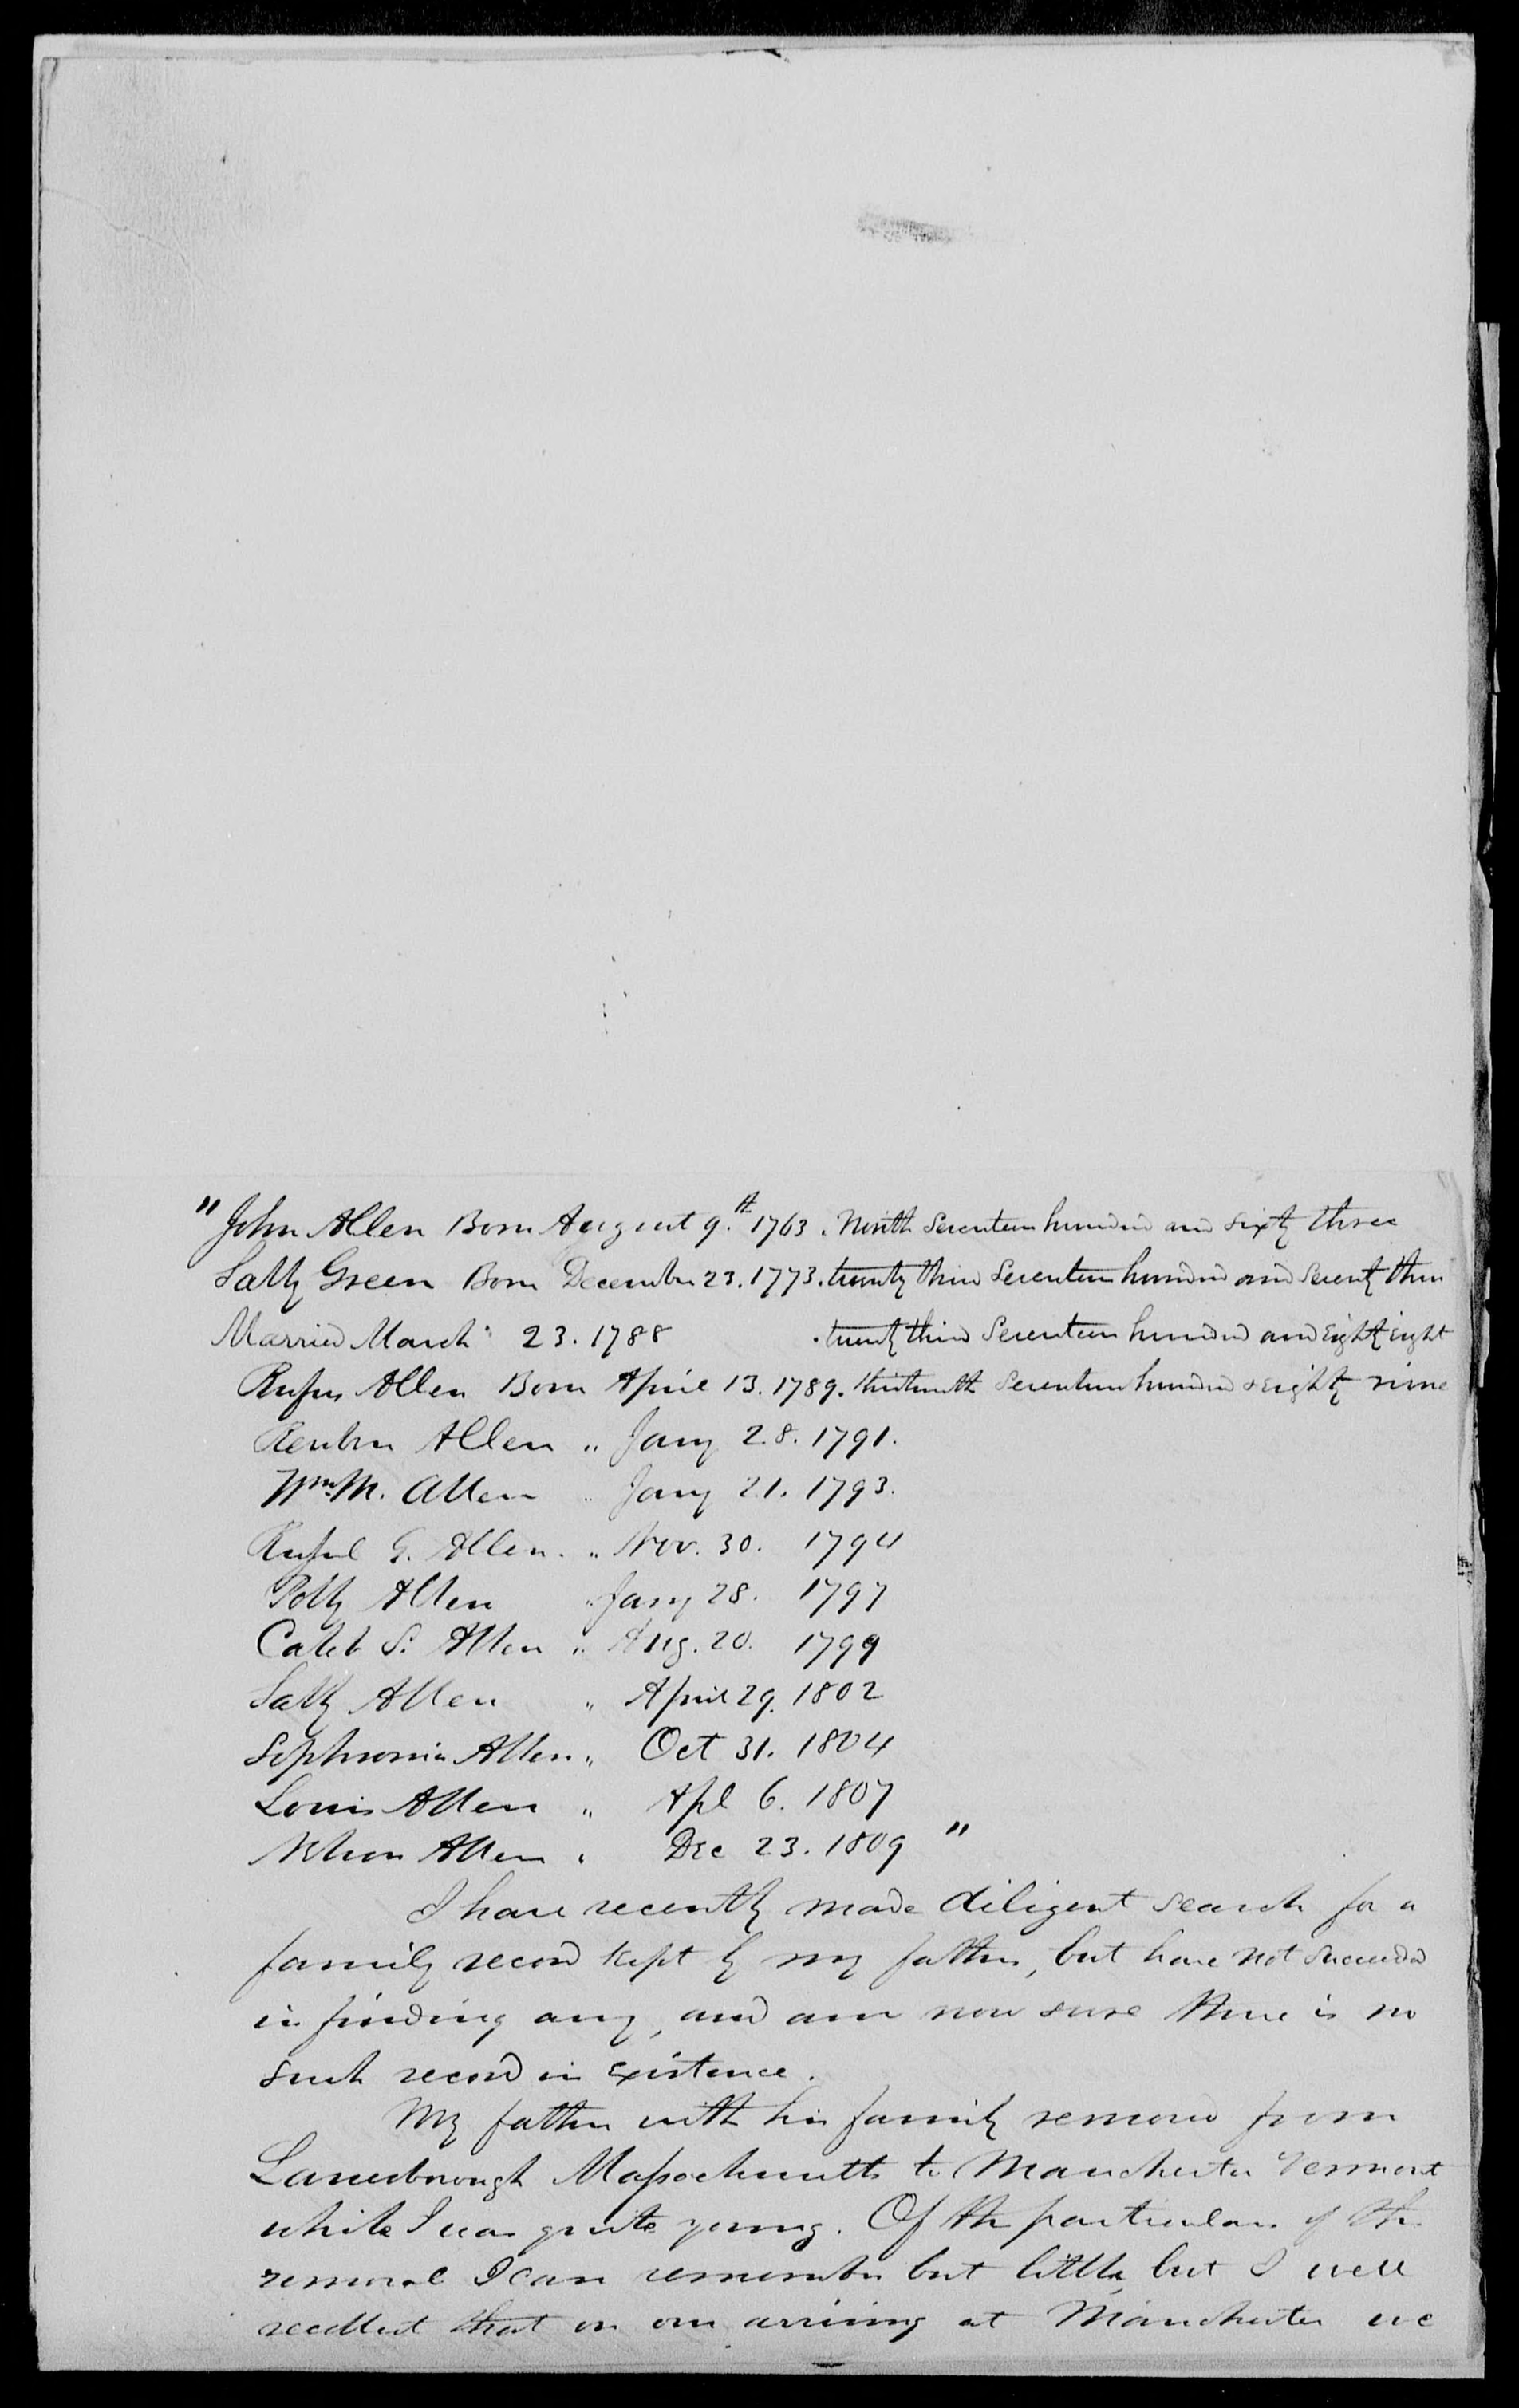“John Allen Born August 9th 1763. Ninth Seventeen hundred and sixty three
Sally Green Born December 23 1773. twenty third seventeen hundred and Seventy three
Married March 23, 1788 twenty third seventeen hundred and Eighty eight
Rufus Allen Born April 13, 1789 thirteenth seventeen hundred & eighty nine
Reuben Allen " Jany 28, 1791
Wm M. Allen Jany 21, 1793
Russel G. Allen. Nov. 30. 1794
Polly Allen Jany 28, 1797
Caleb S. Allen Aug. 20, 1799
Sally Allen April 29. 1802
Sophronia Allen Oct 31. 1804
Louis Allen Apl 6 1807
Wm Allen Dec 23. 1809 “

I have recently made diligent search for a
family record kept by my father but have not succeeded in finding any and am now sure there is no such record in existence.
My father with his family removed from
Lanesborough Massachusetts to Manchester Vermont while I was quite young. Of the particulars of the removal I can remember but little, but I well recollect that in on arriving at Manchester we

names: Polly Allen, Sally Allen, Rufus Allen, John Allen, Caleb S Allen, Sally Green, Reuben Allen, Nelson Allen, Wm M Allen, Louis Allen, Sophronia Allen, Russel G Allen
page: 23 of 74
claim: widow's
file: W. 23424, John Allen, Mass. R. I.